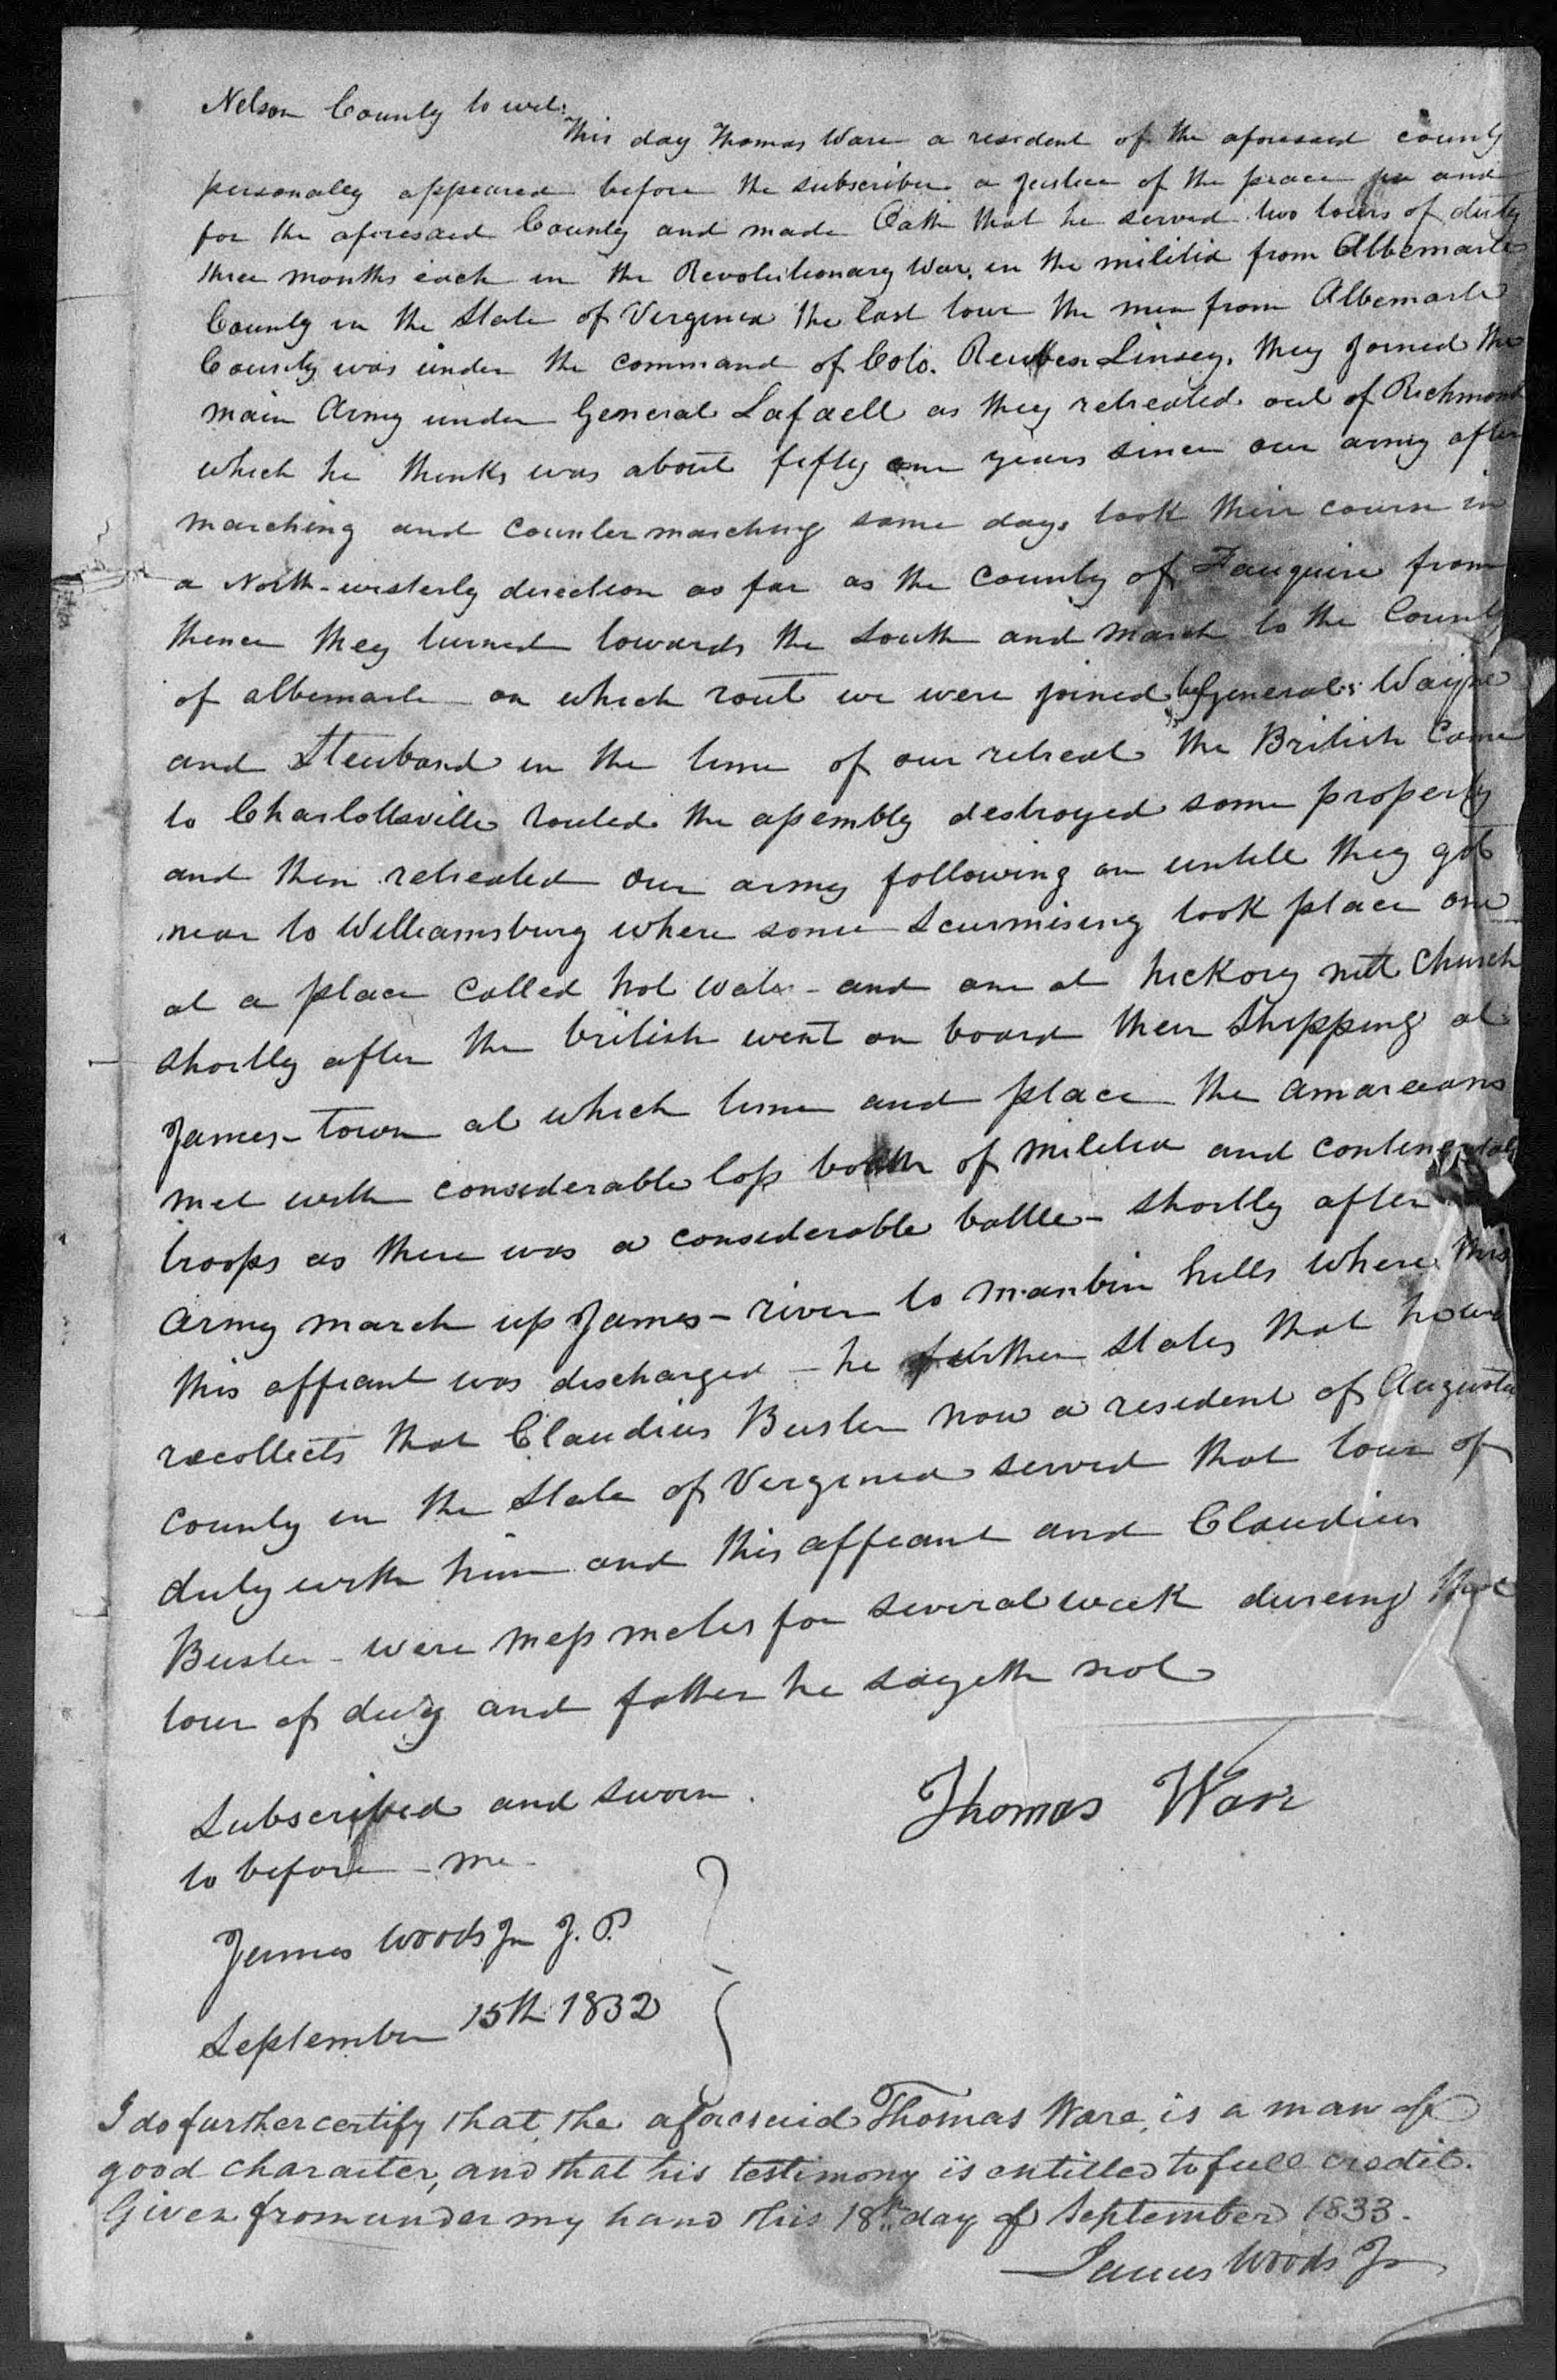Nelson County to wit:

This day Thomas Ware a resident of the aforesaid county personally appeared before the subscriber a justice of the peace in and for the aforesaid County and made Oath that he served two tours of duty three months each in the Revolutionary War in the militia from Albemarle County in the State of Virginia the last tour the men from Albemarle County was under the command of Colo. Reuben Linsey. They joined the main Army under General Lafaett(sic) as they retreated out of Richmond which he thinks was about fifty one years since our army after marching and counter marching some days took their course in a North-westerly direction as far as the county of Fauquin from thence they turned towards the South and march to the County of albemarle on which rout(sic) we were joined by General Wayne and Steubans in the time of our retreat The British came to Charlottesville [illegible] the assembly destroyed some property and the retreated_ our army following on untill(sic) they got near to Williamsburg where some scurmising(sic) took place [illegible] at a place called hot water and one at hickory nut church shortly after the british went on board their shipping at James-town at which time and place the amarcians(sic) met with considerable loss both of militia and continental troops as there was a considerable battle_ shortly after [page torn] army march(sic) up James-river to marbin hills where this this(sic) affiant was discharged_ he further states that [illegible] recollects that Claudius Buster now a resident of Augusta county in the State of Virginia served that tour of duty with him and this affiant and Claudius Buster were mess mates for several week(sic) during that tour of duty and further sayeth not
Thomas Ware

Subscribed and sworn to before me
James Woods Jr J. P.
September 15th 1832

I do further certify that the aforesaid Thomas Ware is a man of good character, and that his testimony is entitled to full credit.

Given from under my hand this 18th day of September 1833.
James Woods Jr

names: James Woods, Wayne, Claudius Buster, Thomas Ware, Claudius Buster, James Woods, Reuben Linsey, Thomas Ware, Thomas Ware, Lafaell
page: 45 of 71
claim: widow's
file: W. 25310, Claudius Buster, Va.